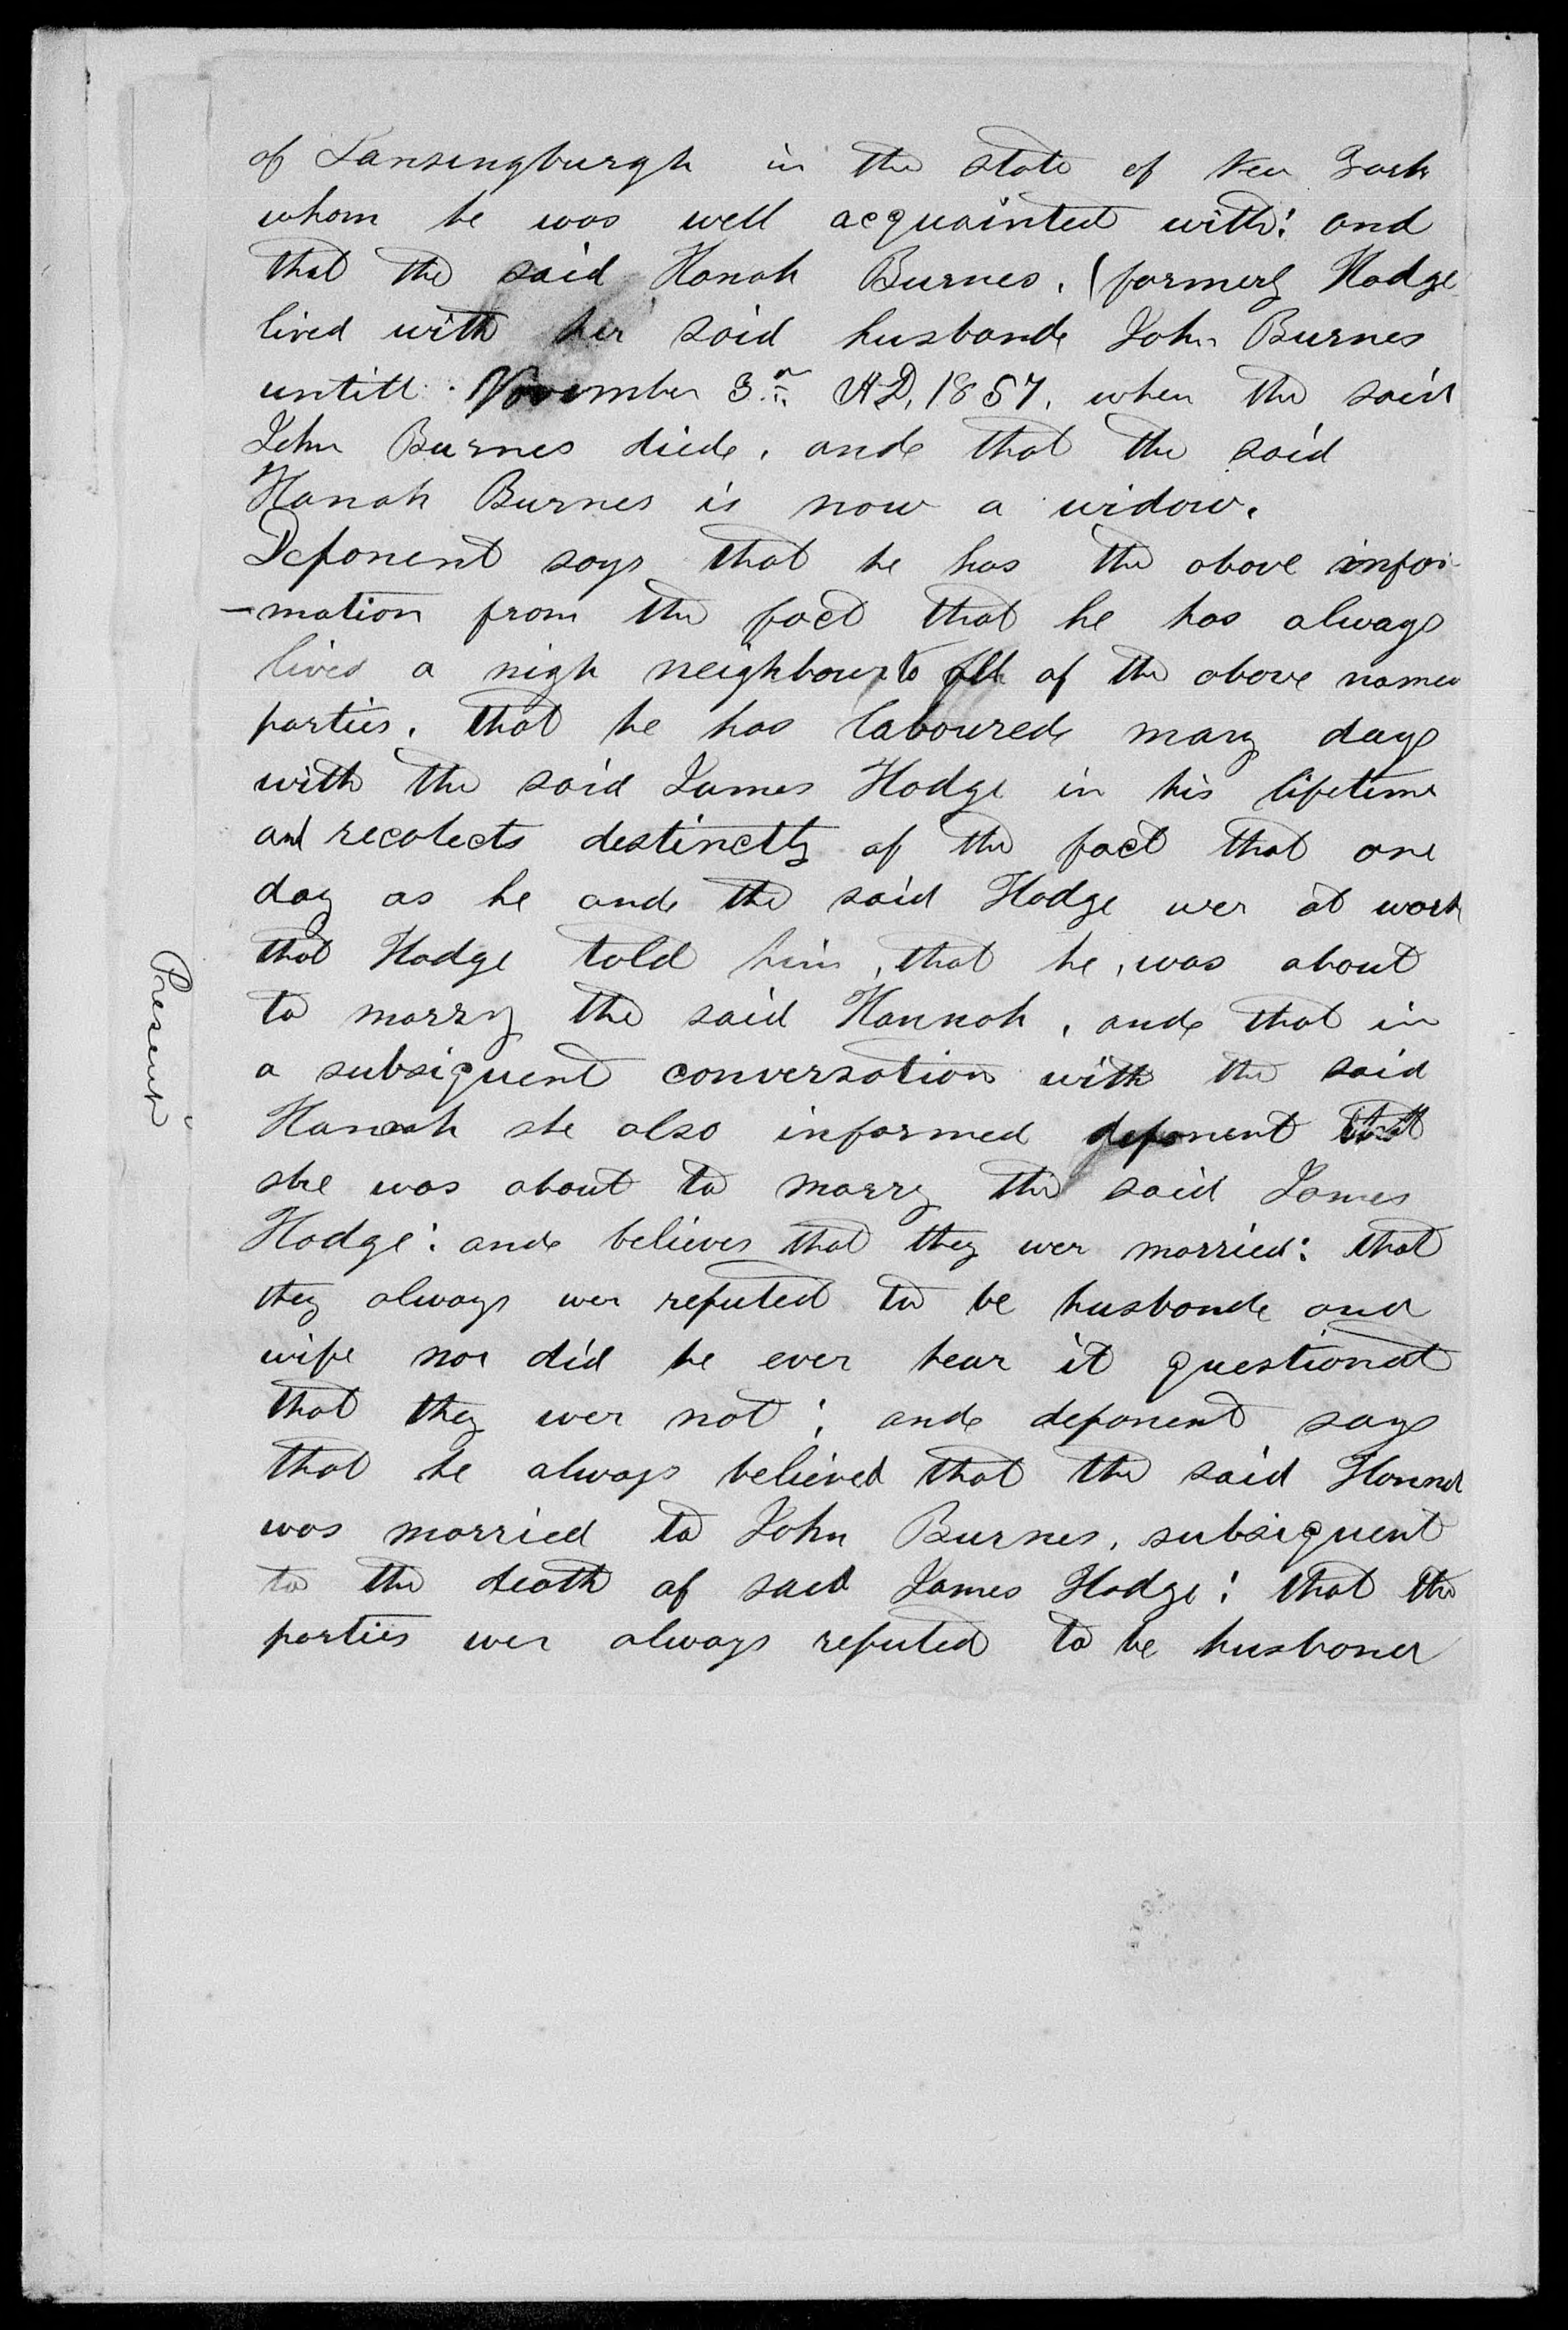of Lansingburgh in the state of New York whom he was well acquainted with; and that the said Hanah Burnes formally Hodge lived with her said husband, John Burnes until November 9th A.D. 1857 when the said John Burnes died and that the said Hannah Burnes is now a widow.  Deponent says that he has the above information from the fact that he has always lived a (illegible) neighbor to all of the above named parties, that he has laboured many days with the said James Hodge in this lifetime and recollects distinctly of the fact that one day as he and the said Hodge were at work that Hodge told him that he was about to marry the said Hannah, and that in subsequent conversation with the said Hannah she also informed deponent that she was about to marry the said James Hodge; and believes that they were married: that they always were reputed to be husband and wife nor did he ever hear it questioned that they were not;  and deponent says that he always believe that the said Hannah was married to John Burnes subsequent to the death of said James Hodge; that the parties were always refuted to be husband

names: John Burnes, John Burnes, Hodge, Hannah Burnes, James Hodge, James Hodge, Hannah, Hannah, Hannah Burnes, Hodge, John Burnes, Hodge, Hannah, James Hodge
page: 37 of 48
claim: widow's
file: W. 10476, James Hodge, New York